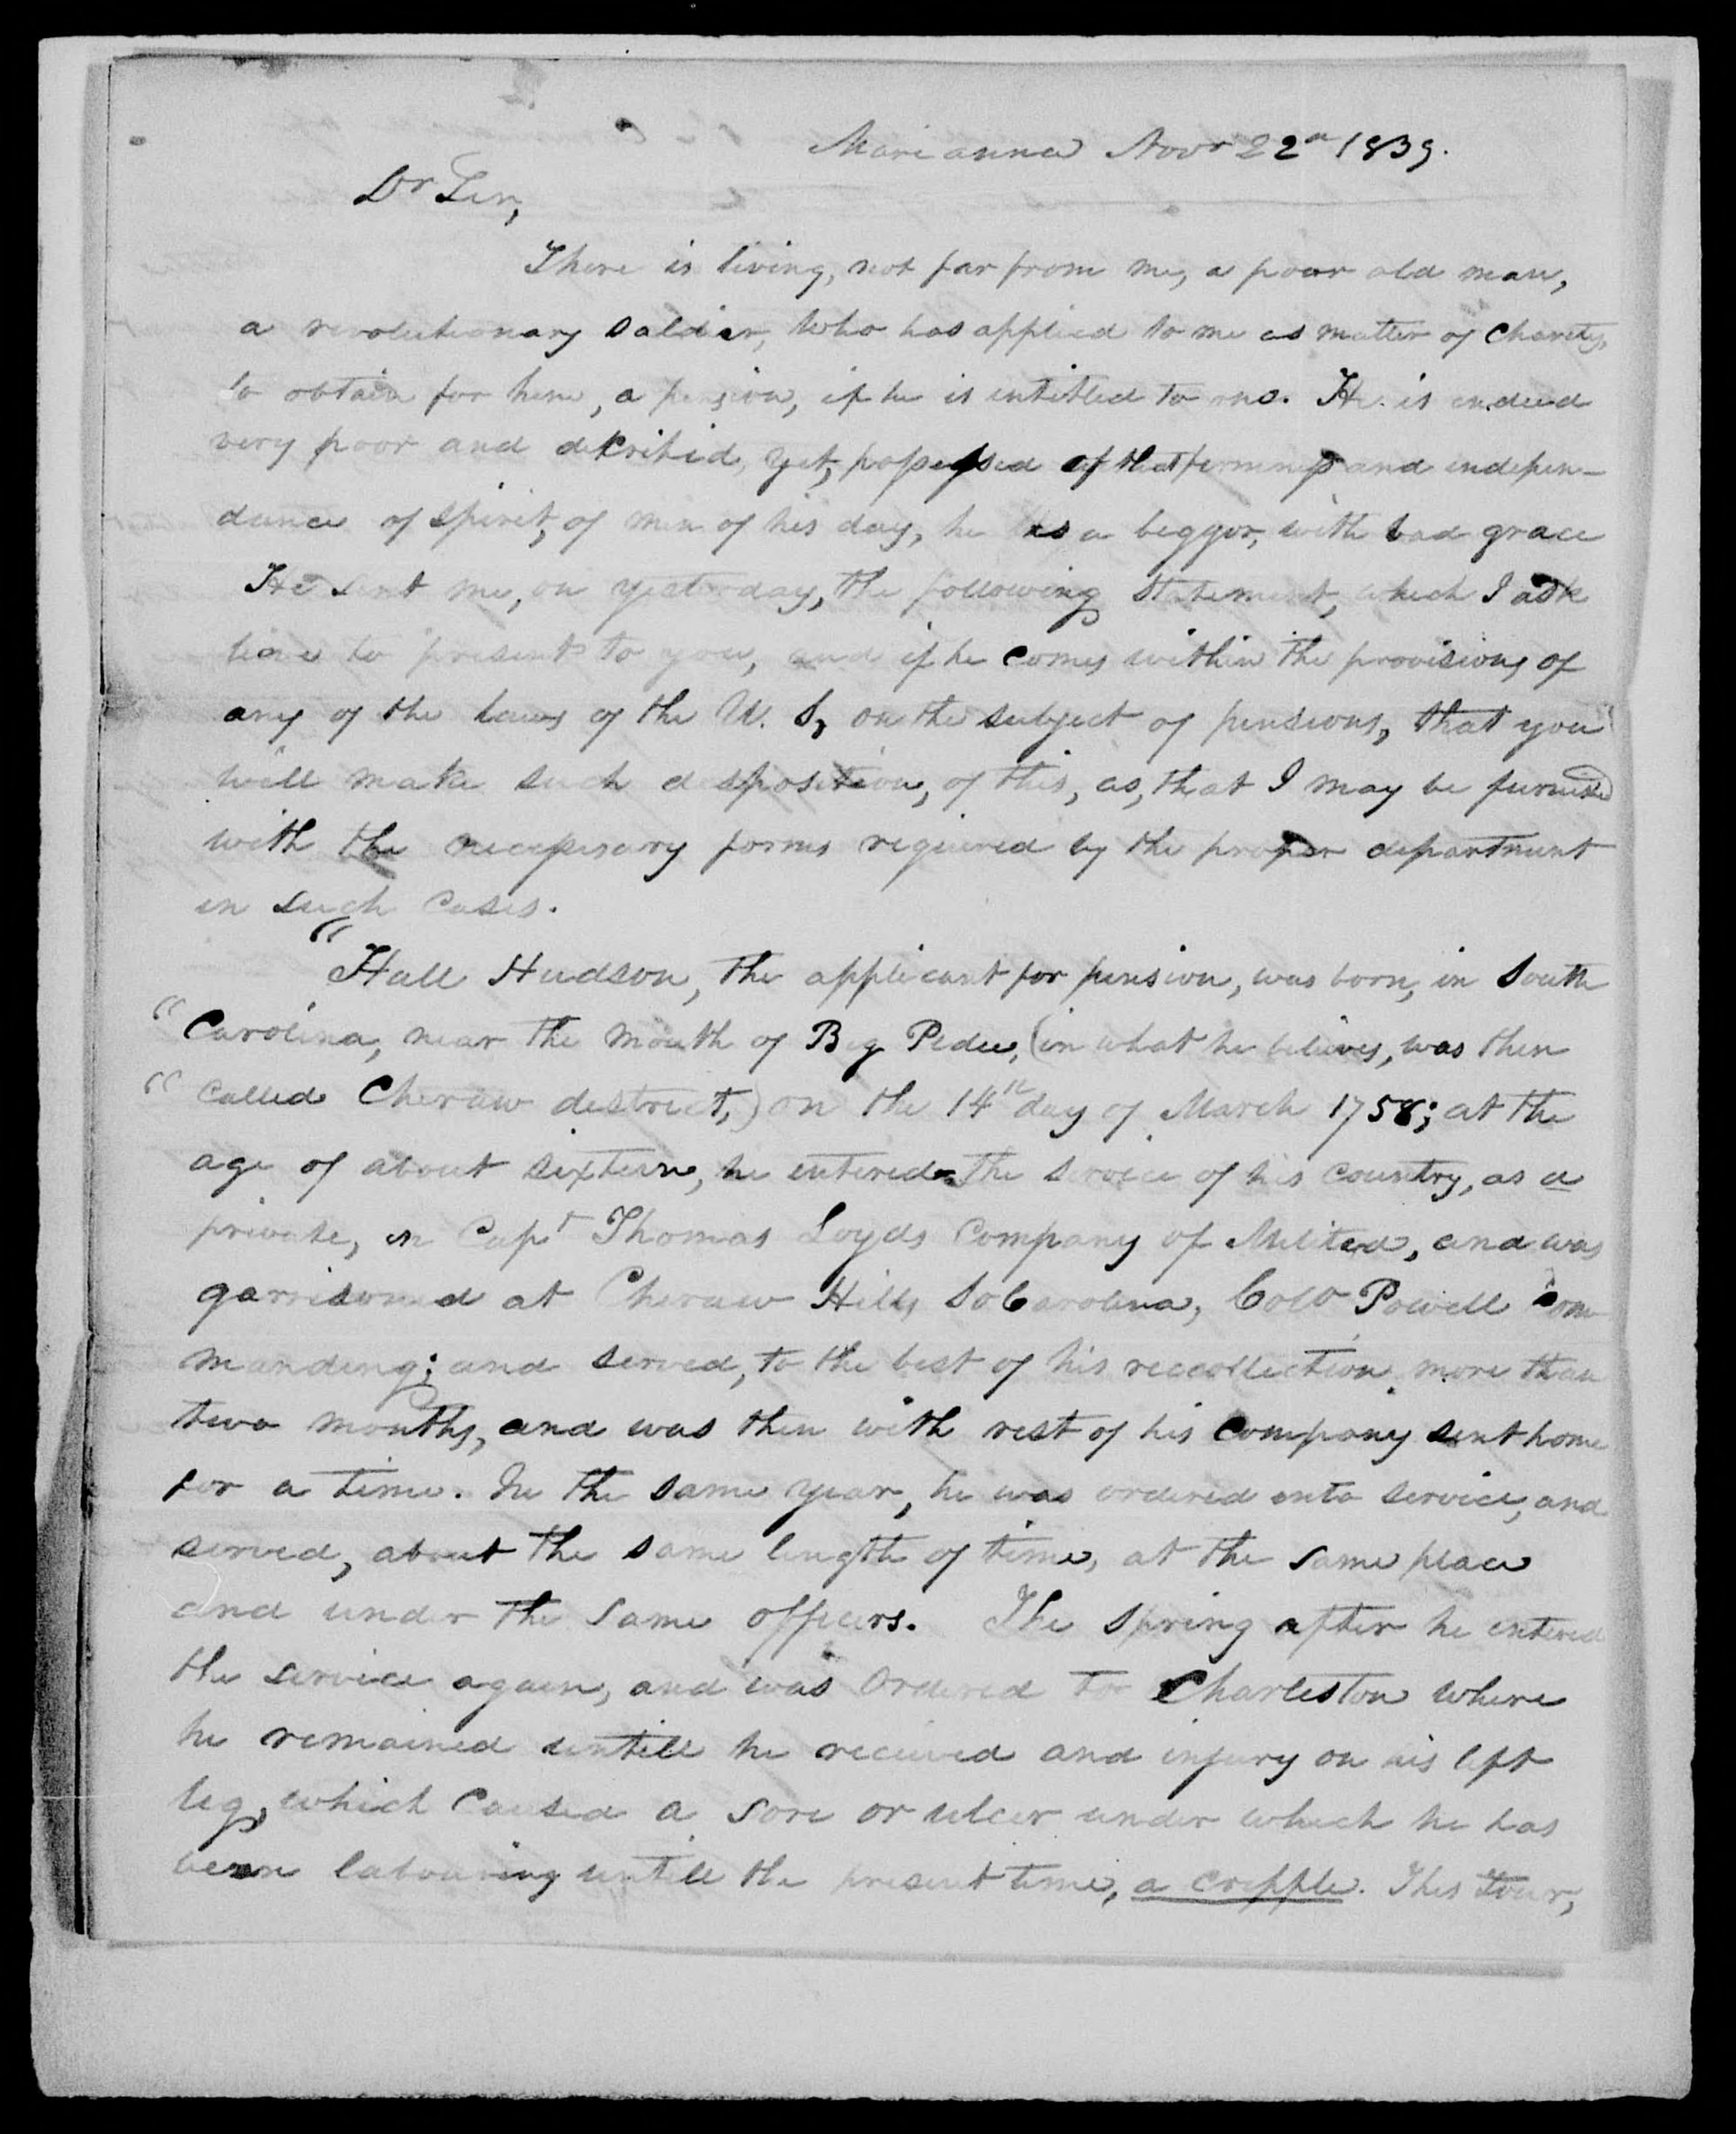Marianna Novr 22 1839. 
Dear sir, 
There is living, not far from me, a poor old man a revolutionary soldier, who has applied to me and of Charity to obtain for him, a pension, if he is entitled to one. He is indeed very poor and decrepit, yet, possessed of that firmness and independence of spirit of men of his day, he is a beggar, with bad grace. 
He sent me, on yesterday, the following statement, which I ask to present to you, and if he comes within the provisions of any of the laws of the U.S. on the subject of pensions, that you will make such a supposition, of this, as, that I may be furnished with the necessary forms required by the proper department in such cases. 
Hall Hudson, the applicant for pension, was born in South Carolina , near the mouth of Big Pedee, (in what he believes, was then called Cheraw district) on the 14th day of March 1758; at the age of about sixteen, he entered the service of his country, as a private, in Capt Thomas Loyds Company of Militia, and was garrisoned at Cheraw Hill So Carolina, Colo Powell Comanding; and served, to the best of his recollection more than two months, and was then with rest of his company sent home for a time. In the same year, he was ordered into service, and served, about the same length of time, at the same place and under the same officers. The spring after he entered the service again, and was ordered to Charleston where remained untill he received and injury on his left leg, which caused a sore or ulcer under which he has been labouring until the present time, a cripple. This tour,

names: Hall Hudson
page: 8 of 14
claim: rejected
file: R. 4463, Hall Hudson, S.C.